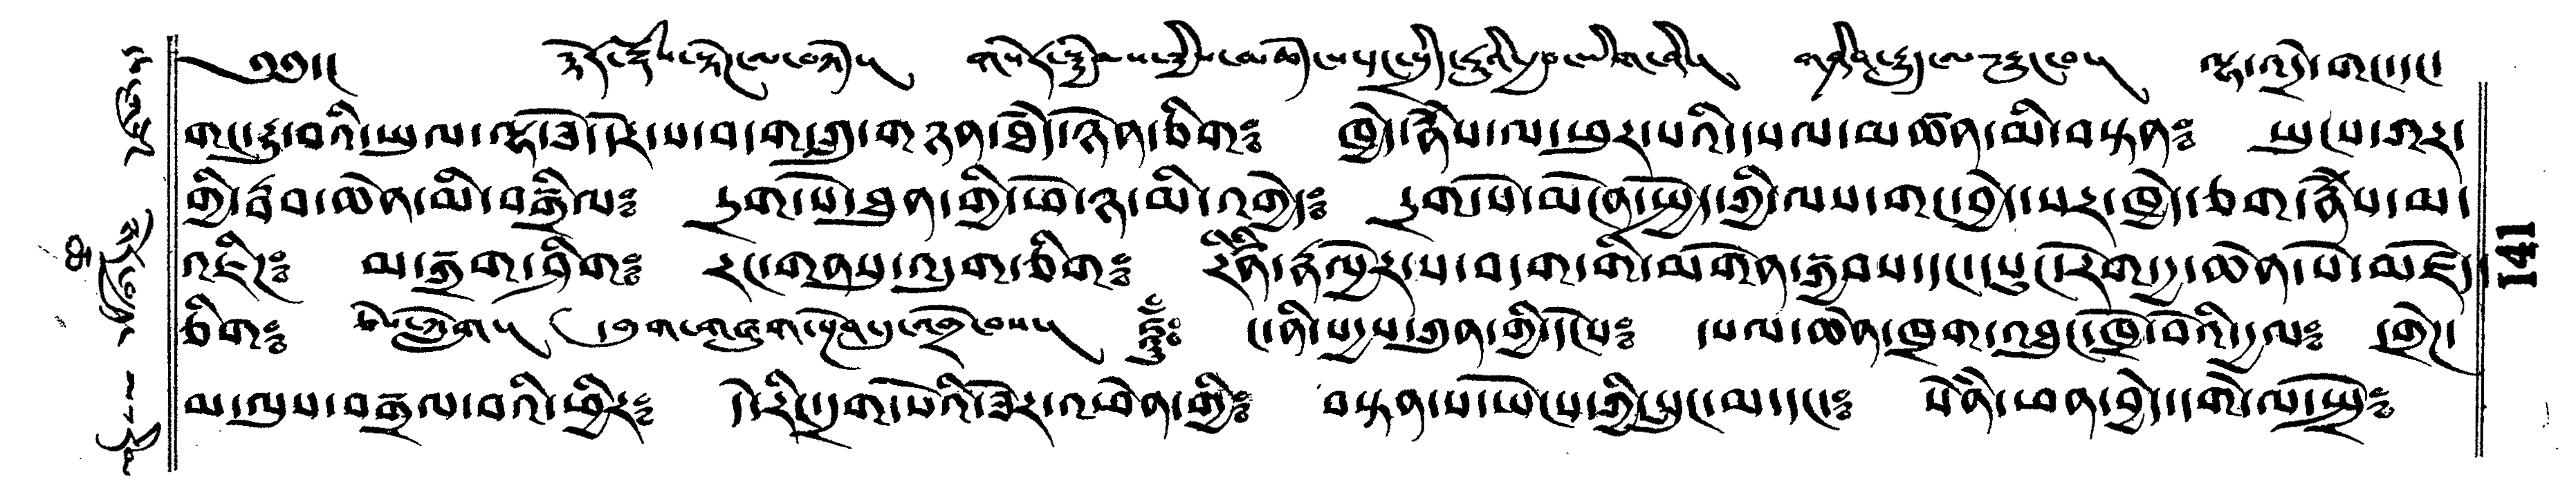ཟོར་རྣམས་སྟེགས་ལ་བཀོད། གསེར་སྐྱེམས་ཀྱིས་མཆོད་པ་དང་སྲིད་ཧོའི་རྒྱབ་ཡིག་ནི། གཤིན་རྒྱུད་ལས་བྱུང་བ། ལྷ་འདྲེ་གང་དང་
གང་རྒྱུ་བའི་ཡུལ་ལྷ་ཟོ་དོར་ས་བདག་ཀླུ་གཉན་ཐམས་ཅད་ཉོན་ཅིག༔ ཁྱེད་རྣམས་ལ་ཕུར་པའི་དཔལ་མཚན་མི་བསྟན༔ ཡུངས་ཀར་
གྱི་རྦབ་ཆེན་མི་བསྒྲིལ༔ དྲག་པོ་ཐུན་གྱི་ཕོ་ཉ་མི་འགྱེད༔ དྲག་པོ་མངོན་སྤྱོད་ཀྱི་ལས་གང་བྱེད་སར་ཁྱེད་ཅག་རྣམས་མ་
འཇིགས༔ མ་སྐྲག་ཤིག༔ རང་གནས་སུ་འདུག་ཅིག༔ རིག་འཛིན་རྣལ་འབྱོར་བ་བདག་གི་མགོན་སྐྱབས་དང་དཔུང་རོགས་རྒྱ་ཆེན་པོ་མཛོད་
ཅིག༔ ཅེས་བཀླག དགུག་གཞུག་སྔོན་དུ་འགྲོ་བས། ཧཱུྃ༔ ང་ནི་སངས་རྒྱས་ཀུན་གྱི་དངོས༔ དཔལ་ཆེན་ཁྲག་འཐུང་ཁྲོ་བོའི་རྒྱལ༔ དགྲ་བགེགས་
མ་ལུས་བསྒྲལ་བའི་ཕྱིར༔ དེ་རིང་དྲག་པོའི་ཟོར་འཕེན་གྱི༔ བསྟན་པ་ཡོངས་ཀྱི་སྲུང་མ་དང༔ སེམས་ཅན་ཕན་བྱེད་གེ་ལ་སྤྲོ༔